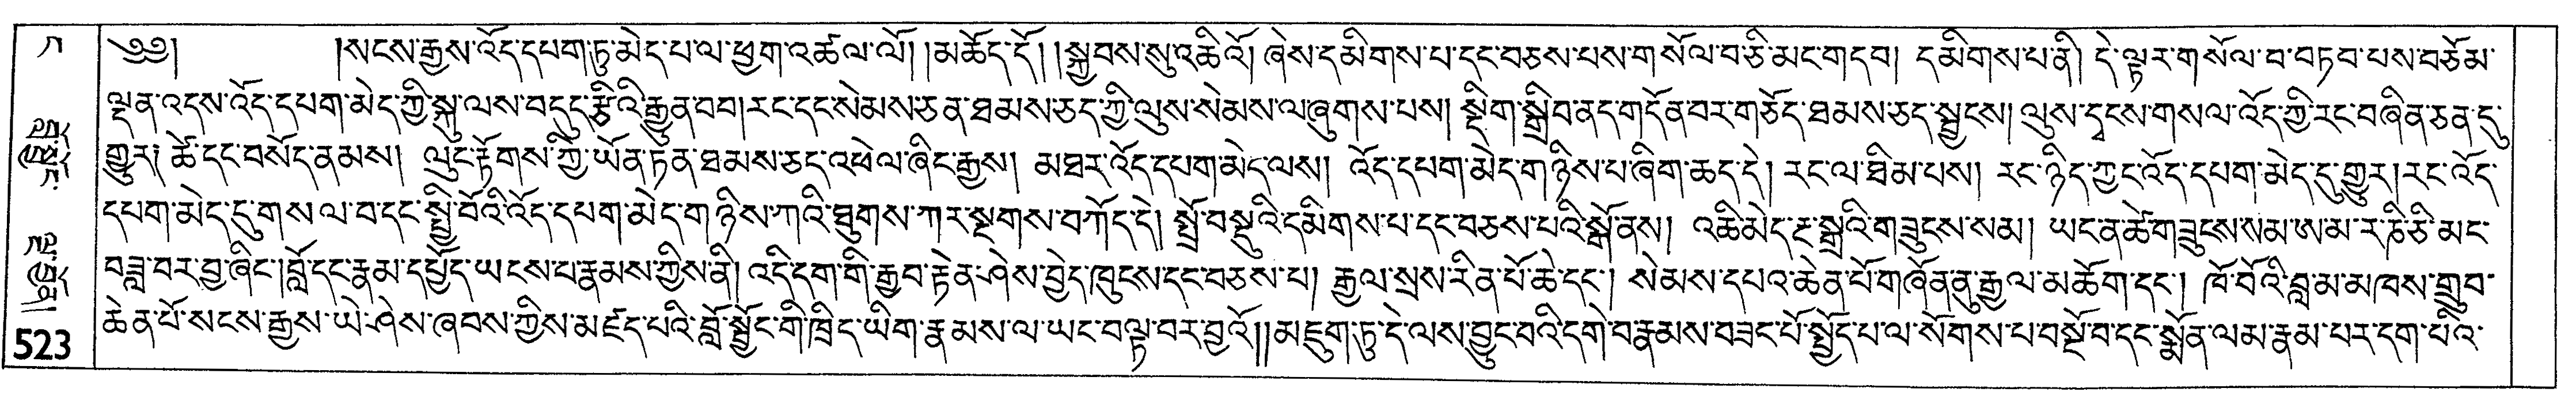༄༅། །སངས་རྒྱས་འོད་དཔག་ཏུ་མེད་པ་ལ་ཕྱག་འཚལ་ལོ། །མཆོད་དོ། །སྐྱབས་སུ་འཆིའོ། ཞེས་དམིགས་པ་དང་བཅས་པས་གསོལ་བ་ཅི་མང་གདབ། དམིགས་པ་ནི། དེ་ལྟར་གསོལ་བ་བཏབ་པས་བཅོམ་
ལྡན་འདས་འོད་དཔག་མེད་ཀྱི་སྐུ་ལས་བདུད་རྩིའི་རྒྱུན་བབ། རང་དང་སེམས་ཅན་ཐམས་ཅད་ཀྱི་ལུས་སེམས་ལ་ཞུགས་པས། སྡིག་སྒྲིབ་ནད་གདོན་བར་གཅོད་ཐམས་ཅད་སྦྱངས། ལུས་དྭངས་གསལ་འོད་ཀྱི་རང་བཞིན་ཅན་དུ་
གྱུར། ཚེ་དང་བསོད་ནམས། ལུང་རྟོགས་ཀྱི་ཡོན་ཏན་ཐམས་ཅད་འཕེལ་ཞིང་རྒྱས། མཐར་འོད་དཔག་མེད་ལས། འོད་དཔག་མེད་གཉིས་པ་ཞིག་ཆད་དེ། རང་ལ་ཐིམ་པས། རང་ཉིད་ཀྱང་འོད་དཔག་མེད་དུ་གྱུར། རང་འོད་
དཔག་མེད་དུ་གསལ་བ་དང་སྤྱི་བོའི་འོད་དཔག་མེད་གཉིས་ཀའི་ཐུགས་ཀར་སྔགས་བཀོད་དེ། སྤྲོ་བསྡུའི་དམིགས་པ་དང་བཅས་པའི་སྒོ་ནས། འཆི་མེད་རྔ་སྒྲའི་གཟུངས་སམ། ཡང་ན་ཚེ་གཟུངས་སམ་ཨ་མ་ར་ཎི་ཅི་མང་
བཟླ་བར་བྱ་ཞིང་། བློ་དང་རྣམ་དཔྱོད་ཡངས་པ་རྣམས་ཀྱིས་ནི། འདི་དག་གི་རྒྱབ་རྟེན་ཤེས་བྱེད་ཁུངས་དང་བཅས་པ། རྒྱལ་སྲས་རིན་པོ་ཆེ་དང་། སེམས་དཔའ་ཆེན་པོ་གཞོན་ནུ་རྒྱལ་མཆོག་དང་། ཁོ་བོའི་བླ་མ་མཁས་གྲུབ་
ཆེན་པོ་སངས་རྒྱས་ཡེ་ཤེས་ཞབས་ཀྱིས་མཛད་པའི་བློ་སྦྱོང་གི་ཁྲིད་ཡིག་རྣམས་ལ་ཡང་བལྟ་བར་བྱའོ། །མཇུག་ཏུ་དེ་ལས་བྱུང་བའི་དགེ་བ་རྣམས་བཟང་པོ་སྤྱོད་པ་ལ་སོགས་པ་བསྔོ་བ་དང་སྨོན་ལམ་རྣམ་པར་དག་པའི་